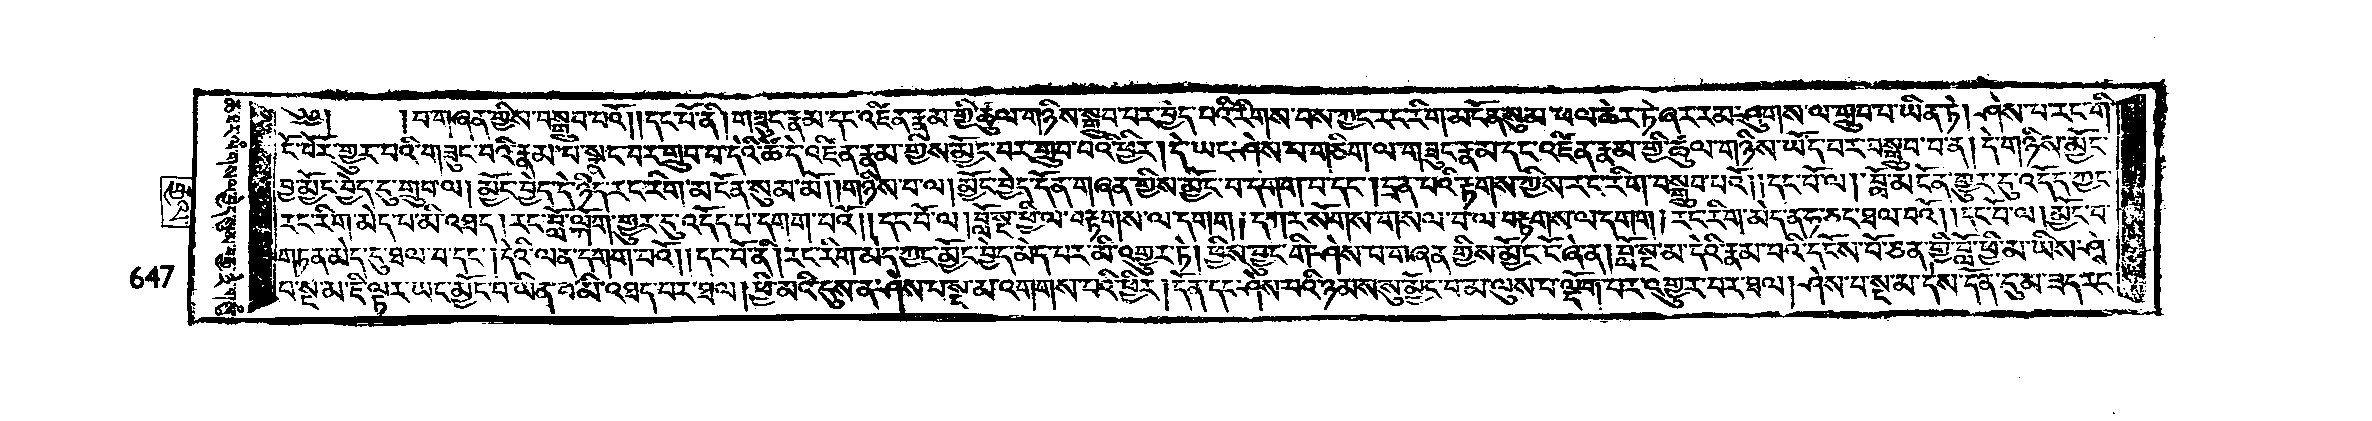༄༅། །པ་གཞན་གྱིས་བསྒྲུབ་པའོ། །དང་པོ་ནི། གཟུང་རྣམ་དང་འཛིན་རྣམ་གྱི་ཚུལ་གཉིས་སྒྲུབ་པར་བྱེད་པའི་རིགས་པས་ཀྱང་རང་རིག་མངོན་སུམ་ཕལ་ཆེར་ཏེ་ཞར་རམ་ཤུགས་ལ་གྲུབ་པ་ཡིན་ཏེ། ཤེས་པ་རང་གི་
ངོ་བོར་གྱུར་པའི་གཟུང་བའི་རྣམ་པ་སྣང་བར་གྲུབ་པ་དེའི་ཚེ་དེ་འཛིན་རྣམ་གྱིས་མྱོང་བར་གྲུབ་པའི་ཕྱིར། དེ་ཡང་ཤེས་པ་གཅིག་ལ་གཟུང་རྣམ་དང་འཛིན་རྣམ་གྱི་ཚུལ་གཉིས་ཡོད་པར་བསྒྲུབ་པ་ན། དེ་གཉིས་མྱོང་
བྱ་མྱོང་བྱེད་དུ་གྲུབ་ལ། མྱོང་བྱེད་དེ་ཉིད་རང་རིག་མངོན་སུམ་མོ། །གཉིས་པ་ལ། མྱོང་བྱེད་དོན་གཞན་གྱིས་མྱོང་བ་དགག་པ་དང་། དྲན་པའི་རྟགས་ཀྱིས་རང་རིག་བསྒྲུབ་པའོ། །དང་པོ་ལ། བློ་མངོན་གྱུར་དུ་འདོད་ཀྱང་
རང་རིག་མེད་པ་མི་འཐད། རང་བློ་ལྐོག་གྱུར་དུ་འདོད་པ་དགག་པའོ། །དང་པོ་ལ། བློ་སྔ་ཕྱི་ལ་བརྟགས་ལ་དགག། དཀར་སོགས་གསལ་བ་ལ་བརྟགས་ལ་དགག། རང་རིག་མེད་ན་ཧ་ཅང་ཐལ་བའོ། །དང་པོ་ལ། མྱོང་བ་
གཏན་མེད་དུ་ཐལ་བ་དང་། དེའི་ལན་དགག་པའོ། །དང་པོ་ནི། རང་རིག་མེད་ཀྱང་མྱོང་བྱེད་མེད་པར་མི་འགྱུར་ཏེ། ཕྱིས་བྱུང་གི་ཤེས་པ་གཞན་གྱིས་མྱོང་ངོ་ཞེ་ན། བློ་སྔ་མ་དེའི་རྣམ་པའི་དངོས་པོ་ཅན་གྱི་བློ་ཕྱི་མ་ཡིས་ཤེས་
པ་སྔ་མ་ཇི་ལྟར་ཡང་མྱོང་བ་ཡིན་པ་མི་འཐད་པར་ཐལ། ཕྱི་མའི་དུས་ན་ཤེས་པ་སྔ་མ་འགགས་པའི་ཕྱིར། དོན་དང་ཤེས་པའི་ཉམས་སུ་མྱོང་བ་མ་ལུས་པ་ལྡོག་པར་འགྱུར་བར་ཐལ། ཤེས་པ་སྔ་མ་དེས་དོན་དུ་མ་ཟད་རང་